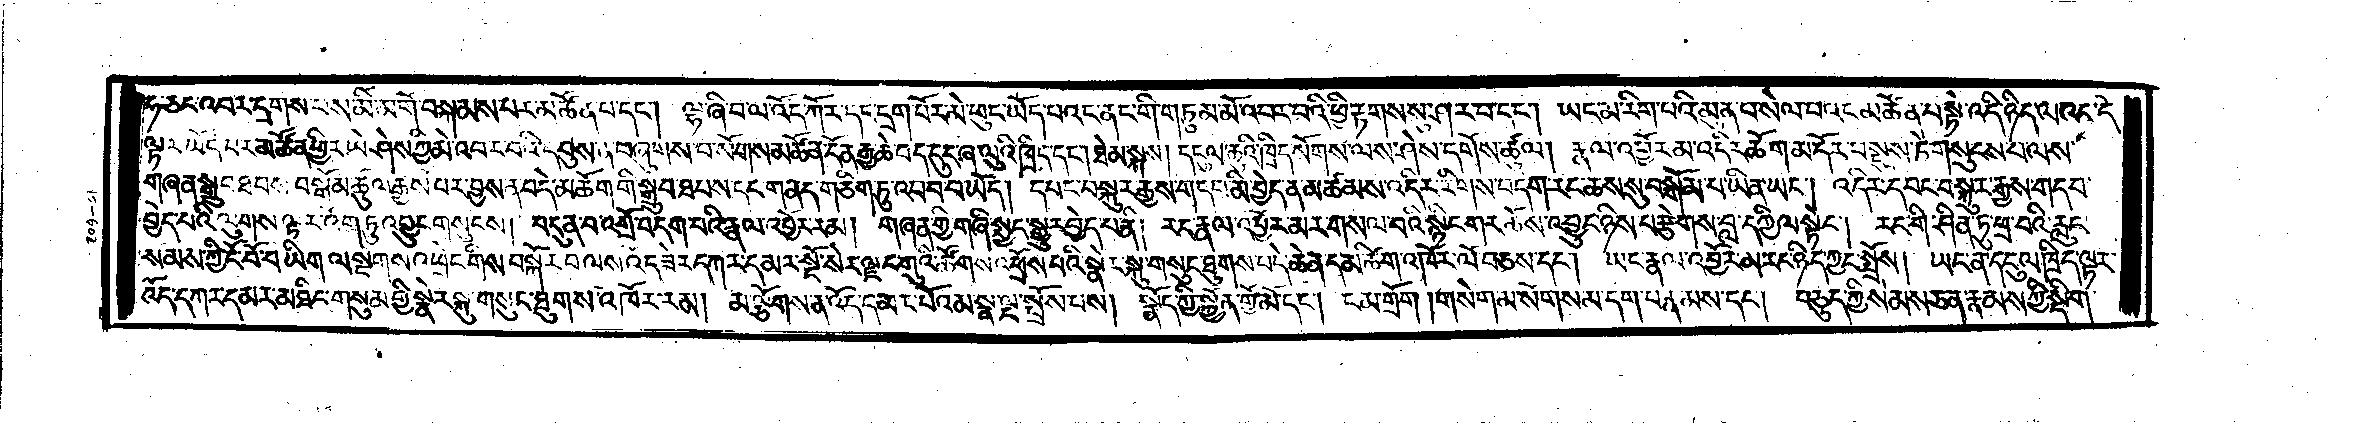ཧ་ཅང་འབར་དྲགས་པས་མི་མགོ་བསྐམས་པར་མཚོན་པ་དང་། ལྷ་ཞི་བ་ལ་འོད་ཀོར་དང་དྲག་པོར་མེ་ཕུང་ཡོད་པའང་ནང་གི་གཏུམ་མོ་འབར་པའི་ཕྱི་རྟགས་སུ་ཤར་བ་དང་། ཡང་མ་རིག་པའི་མུན་པ་སེལ་བའང་མཚོན་པ་སྟེ་འདི་ཉིད་ལའང་དེ་
ལྟར་ཡོད་པར་མཚོན་ཕྱིར་ཡེ་ཤེས་ཀྱི་མེ་འབར་བའི་དབུས་ན་བཞུགས་པ་སོགས་མཚོན་དོན་རྒྱ་ཆེ་བ་ད་དུང་ཞ་ལུའི་ཁྲིད་དང་། ཐེམ་སྐས། དངུལ་ཆུའི་ཁྲིད་སོགས་ལས་ཤེས་དགོས་ཚུལ། རྣལ་འབྱོར་མ་འདིར་ཆོ་ག་མདོར་བསྡུས་ཏེ་གསུངས་པ་ལས་
གཞན་སྒྲུབ་ཐབས་བསྒོམ་ཚུལ་རྒྱས་པར་བྱས་ན་བདེ་མཆོག་གི་སྒྲུབ་ཐབས་དང་གནད་གཅིག་ཏུ་འབབ་པ་ཡོད། དབང་བསྐུར་རྒྱས་གདབ་མི་བྱེད་ན་མཚམས་འདིར་རིགས་བདག་རང་ཆས་སུ་བསྒོམ་པ་ཡིན་ཡང་། འདིར་དབང་བསྐུར་རྒྱས་གདབ་
བྱེད་པའི་ལུགས་ལྟར་འོག་ཏུ་འབྱུང་གསུང་། བདུན་པ་འགྲོ་བ་དག་བའི་རྣལ་འབྱོར་རམ། གཞན་གྱི་གཞི་སྦྱང་སྒྱུར་བྱེད་པ་ནི། རང་རྣལ་འབྱོར་མར་གསལ་བའི་སྙིང་གར་ཆོས་འབྱུང་ཉིས་བ་རྩེགས་ཟླ་དཀྱིལ་སྟེང་། རང་གི་ཤིན་ཏུ་ཕྲ་བའི་རླུང་
སེམས་ཀྱི་ངོ་བོ་བཾ་ཡིག་ལ་སྔགས་འཕྲེང་གིས་བསྐོར་བ་ལས་འོད་ཟེར་དཀར་དམར་སྔོ་སེར་ལྗང་གུའི་ཚོགས་འཕྲོས་པའི་སྣེར་སྐུ་གསུང་ཐུགས་བདེ་ཆེན་དམ་ཚིག་འཁོར་ལོ་བཅས་དང་། ཡང་རྣལ་འབྱོར་མ་རང་ཉིད་ཀྱང་སྤྲོས། ཡང་ན་དངུལ་ཁྲིད་ལྟར་
འོད་དཀར་དམར་མཐིང་གསུམ་གྱི་སྣེར་སྐུ་གསུང་ཐུགས་འཁོར་རམ། མ་ལྕོགས་ན་འོད་དམར་པོའམ་སྣ་ལྔ་སྤྲོས་པས། སྣོད་ཀྱི་སྐྱོན་གྱོ་མོ་དང་། ངམ་གྲོག །གསེག་མ་སོགས་མ་དག་པ་རྣམས་དང་། བཅུད་ཀྱི་སེམས་ཅན་རྣམས་ཀྱི་སྡིག་